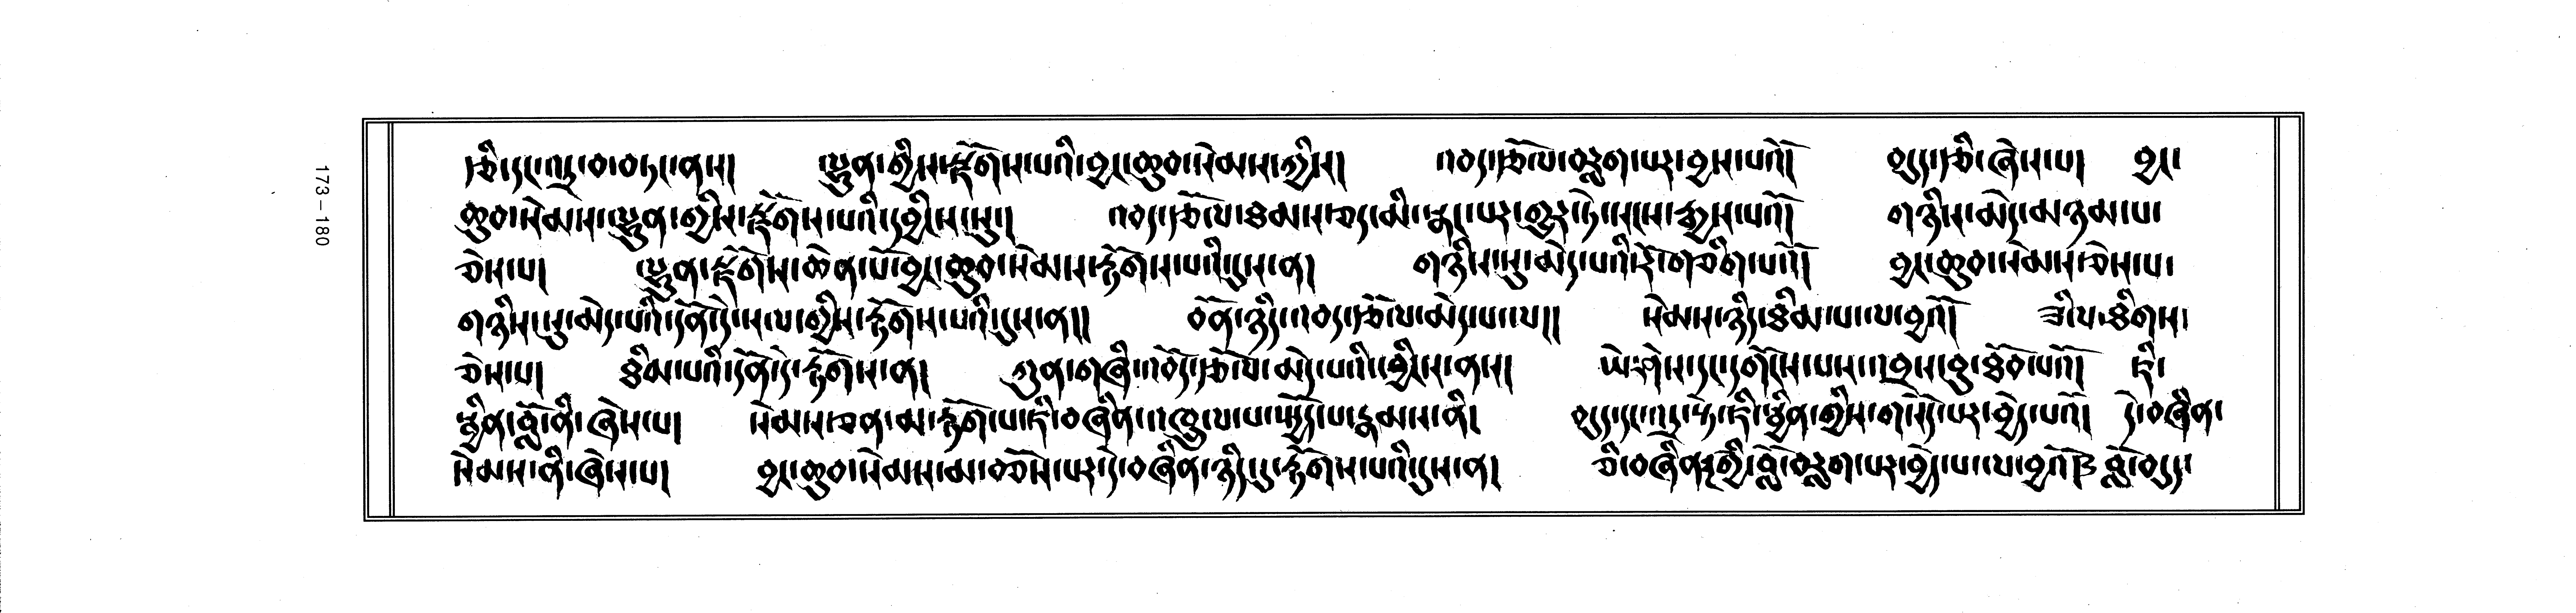རྩི་དང་འདྲ་བ་བཏང་ནས། ལྷུན་གྱིས་རྫོགས་པའི་བྱང་ཆུབ་སེམས་ཀྱིས་འབད་རྩོལ་བརླག་པར་བྱས་པའོ། །བདུད་རྩི་ཞེས་པ། བྱང་
ཆུབ་སེམས་ལྷུན་གྱིས་རྫོགས་པའི་དབྱིངས་སུ་འབད་རྩོལ་ཐམས་ཅད་མི་སྣང་བར་གྱུར་ཏེ་དབྱིངས་སུ་སངས་རྒྱས་པའོ། །གཉིས་མེད་མཉམ་པ་
ཅེས་པ། ལྷུན་རྫོགས་ཆེན་པོ་བྱང་ཆུབ་སེམས་རྟོགས་པའི་དུས་ན། གཉིས་སུ་མེད་པར་རོ་གཅིག་པའོ། །བྱང་ཆུབ་སེམས་ཅེས་པ། 
གཉིས་སུ་མེད་པའི་དོན་དེ་སལ་གྱིས་རྟོགས་པའི་དུས་ན། བོན་ཉིད་འབད་རྩོལ་མེད་པ་ལ་སེམས་ཉིད་ཐིམ་པ་བྱའོ། །ཟིལ་ཐིགས་
ཅེས་པ་ཐིམ་པའི་དོན་དེ་རྟོགས་ན། ཀུན་གཞི་འབད་རྩོལ་མེད་པའི་དབྱིངས་ནས། ཡེ་ཤེས་དང་དགོངས་པ་འབྲས་བུ་ཐོབ་པའོ། །ཇི་
སྦྱིན་བློ་ནི་ཞེས་པ། སེམས་ཅན་མ་རྟོགས་པ་ཇི་བཞིན་འཁྲུལ་པ་ལ་སྤྱོད་པ་རྣམས་ནི། བདུད་དང་འདྲ་སྟེ། ཇི་སྦྱིན་གྱིས་གསོད་པར་བྱེད་པའོ། །དེ་བཞིན་
སེམས་ནི་ཞེས་པས། བྱང་ཆུབ་སེམས་མ་བཅོས་པ་དེ་བཞིན་ཉིད་དུ་རྟོགས་པའི་དུས་ན། ཅི་བཞིན་གྱི་བློ་བདུད་